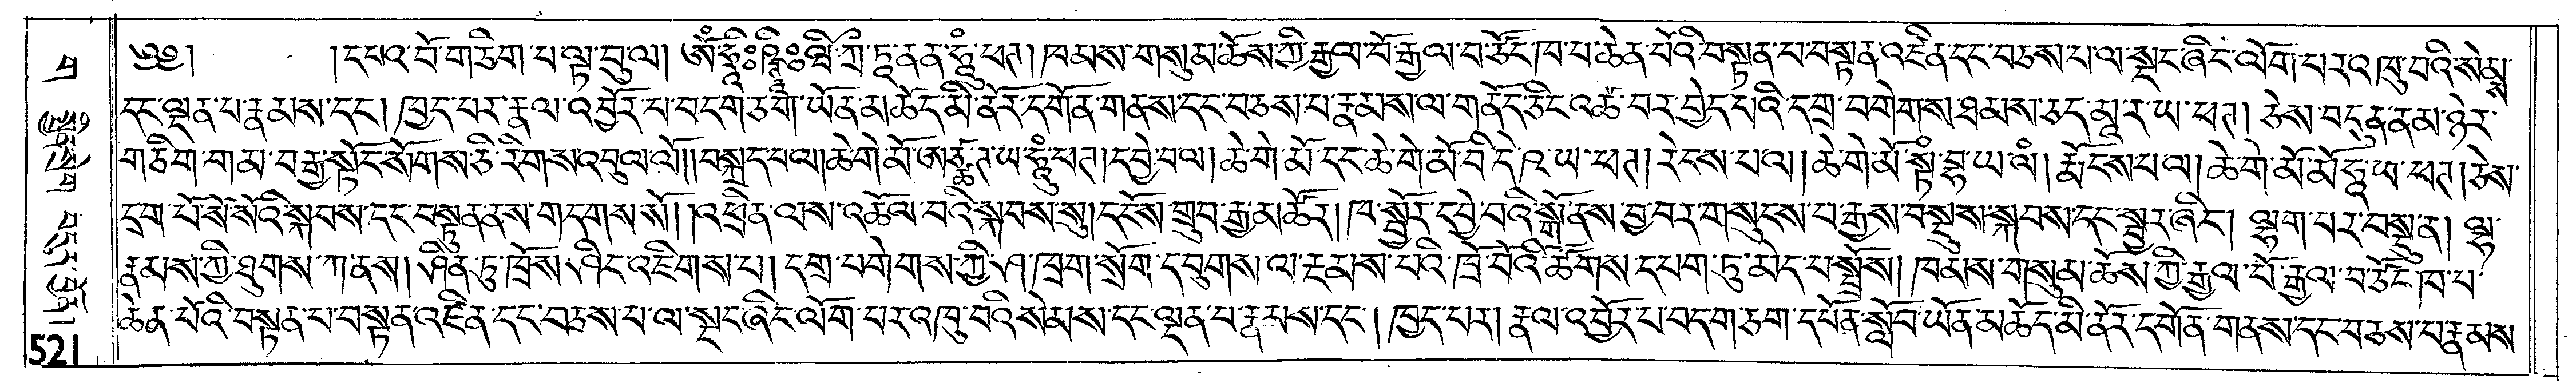༄༅། །དཔའ་བོ་གཅིག་པ་ལྟ་བུ་ལ། ཨོཾ་ཧྲཱིཿ ཥྚྲཱིཿ ཝི་ཀྲྀ་ཏཱ་ནན་ཧཱུཾ་ཕཊ། ཁམས་གསུམ་ཆོས་ཀྱི་རྒྱལ་པོ་རྒྱལ་བ་ཙོང་ཁ་པ་ཆེན་པོའི་བསྟན་པ་བསྟན་འཛིན་དང་བཅས་པ་ལ་སྡང་ཞིང་ལོག་པར་འཁུ་བའི་སེམས་
དང་ལྡན་པ་རྣམས་དང་། ཁྱད་པར་རྣལ་འབྱོར་པ་བདག་ཅག་ཡོན་མཆོད་མི་ནོར་དགོན་གནས་དང་བཅས་པ་རྣམས་ལ་གནོད་ཅིང་འཚོ་བར་བྱེད་པའི་དགྲ་བགེགས་ཐམས་ཅད་མཱ་ར་ཡ་ཕཊ། ཅེས་བདུན་ནམ་ཉེར་
གཅིག་གམ་བརྒྱ་སྟོང་སོགས་ཅི་རིགས་འབུལ་ལོ། །བསྐྲད་པ་ལ། ཆེ་གེ་མོ་ཨཙྪ་ཊ་ཡ་ཧཱུཾ་ཕཊ། དབྱེ་བ་ལ། ཆེ་གེ་མོ་དང་ཆེ་གེ་མོ་བི་དེ་ཥ་ཡ་ཕཊ། རེངས་པ་ལ། ཆེ་གེ་མོ་སྟཾ་བྷ་ཡ་ལཾ། རྨོངས་པ་ལ། ཆེ་གེ་མོ་མོ་ཧཱ་ཡ་ཕཊ། ཅེས་
དྲག་པོ་སོ་སོའི་སྐབས་དང་བསྟུན་ནས་གདགས་སོ། །འཕྲིན་ལས་འཆོལ་བའི་སྐབས་སུ། དངོས་གྲུབ་རྒྱ་མཚོར། ཁ་སྦྱོར་དབྱེ་བའི་སྒོ་ནས་བྱ་བར་གསུངས་པ་རྒྱས་བསྡུས་སྐབས་དང་སྦྱར་ཞིང་། ལྷག་པར་བསྡུ་ན། ལྷ་
རྣམས་ཀྱི་ཐུགས་ཀ་ནས། ཤིན་ཏུ་ཁྲོས་ཤིང་འཇིགས་པ། དགྲ་བགེགས་ཀྱི་ཤ་ཁྲག་སྲོག་དབུགས་ལ་རྔམས་པའི་ཁྲོ་བོའི་ཚོགས་དཔག་ཏུ་མེད་པ་སྤྲོས། ཁམས་གསུམ་ཆོས་ཀྱི་རྒྱལ་པོ་རྒྱལ་བ་ཙོང་ཁ་པ་
ཆེན་པོའི་བསྟན་པ་བསྟན་འཛིན་དང་བཅས་པ་ལ་སྡང་ཞིང་ལོག་པར་འཁུ་བའི་སེམས་དང་ལྡན་པ་རྣམས་དང་། ཁྱད་པར། རྣལ་འབྱོར་པ་བདག་ཅག་དཔོན་སློབ་ཡོན་མཆོད་མི་ནོར་དགོན་གནས་དང་བཅས་པ་རྣམས་